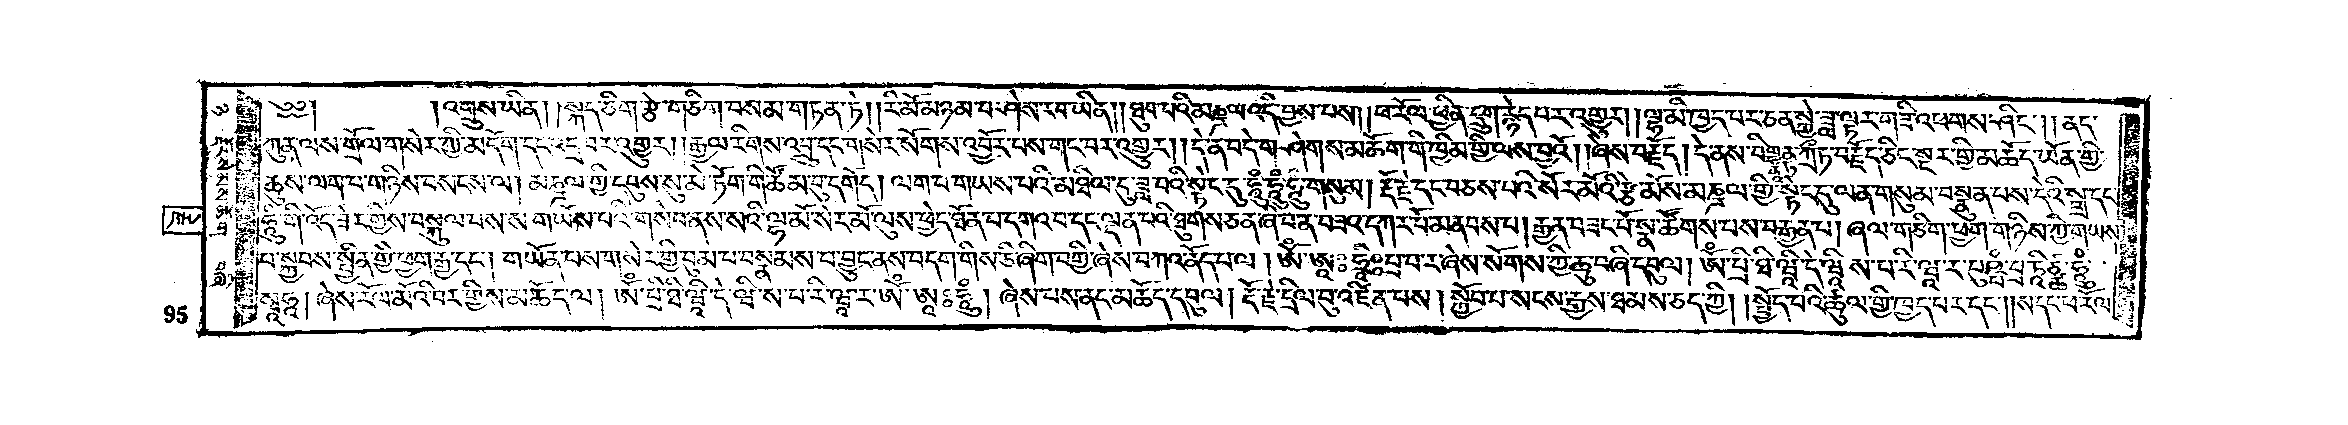༄༅། །འགྲུས་ཡིན། །སྐད་ཅིག་རྩེ་གཅིག་བསམ་གཏན་ཏེ། །རི་མོ་མཉམ་པ་ཤེས་རབ་ཡིན། །ཐུབ་པའི་མཎྜལ་འདི་བྱས་པས། །ཕ་རོལ་ཕྱིན་དྲུག་རྙེད་པར་འགྱུར། །ལྷ་མི་ཁྱད་པར་ཅན་སྐྱེ་ཟླ་ལྟར་གཟི་འཕགས་ཤིང་། །ནད་
ཀུན་ལས་གྲོལ་གསེར་གྱི་མདོག་དང་འདྲ་བར་འགྱུར། །རྒྱལ་རིགས་འབྲུ་དང་གསེར་སོགས་འབྱོར་པས་གང་བར་འགྱུར། །དེ་ན་བདེ་གཤེགས་མཆོག་གི་ཁྱིམ་གྱི་ལས་བྱའོ། །ཞེས་བརྗོད། དེ་ནས་བིགྷྣཱ་ནྟ་ཀྲྀཏ་བརྗོད་ཅིང་སྔར་གྱི་མཆོད་ཡོན་གྱི་
ཆུས་ལག་པ་གཉིས་བསངས་ལ། མཎྜལ་གྱི་དབུས་སུ་མེ་ཏོག་གི་ཚོམ་བུ་དགོད། ལག་པ་གཡས་པའི་མཐིལ་དུ་ཟླ་བའི་སྟེང་དུ་ཧཱུཾ་ཧཱུཾ་ཧཱུཾ་གསུམ། རྡོ་རྗེ་དང་བཅས་པའི་སོར་མོའི་རྩེ་མོས་མཎྜལ་གྱི་སྟེང་དུ་ལན་གསུམ་བསྣུན་པས་དེའི་སྒྲ་དང་
ཧཱུཾ་གི་འོད་ཟེར་གྱིས་བསྐུལ་བས་ས་གཡོས་པའི་གསེབ་ནས་སའི་ལྷ་མོ་སེར་མོ་ལུས་ཕྱེད་ཐོན་པ་དགའ་བ་དང་ལྡན་པའི་ཐུགས་ཅན་ཞི་བ་ན་བཟའ་དཀར་པོ་མནབས་པ། རྒྱན་བཟང་པོ་སྣ་ཚོགས་པས་བརྒྱན་པ། ཞལ་གཅིག་ཕྱག་གཉིས་ཀྱི་གཡས་
པ་སྐྱབས་སྤྱིན་གྱི་ཕྱག་རྒྱ་དང་། གཡོན་པས་གསེར་གྱི་བུམ་པ་བསྣམས་པ་བྱུང་ནས་བདག་གིས་ཅི་ཞིག་བགྱི་ཞེས་བཀའ་ནོད་པ་ལ། ཨོཾ་ཨཱཿ ཧྲཱིཿ པྲ་བ་ར་ཞེས་སོགས་ཀྱི་ཆུ་བཞི་དབུལ། ཨོཾ་པྲི་ཐི་ཝཱི་དེ་ཝཱི་ས་པ་རི་ཝཱ་ར་པུཥཔཾ་པྲ་ཏཱི་ཙྪ་ཧཱུཾ་
སྭཱཧཱ། ཞེས་རོལ་མོའི་བར་གྱིས་མཆོད་ལ། ཨོཾ་པྲི་ཐི་ཝཱི་དེ་ཝི་ས་པ་རི་ཝཱ་ར་ཨོཾ་ཨཱཿ ཧཱུཾ། ཞེས་པས་ནང་མཆོད་དབུལ། རྡོ་རྗེ་དྲིལ་བུ་འཛིན་པས། སྐྱོབ་པ་སངས་རྒྱས་ཐམས་ཅད་ཀྱི། །སྤྱོད་པའི་ཚུལ་གྱི་ཁྱད་པར་དང་། །ས་དང་ཕ་རོལ་